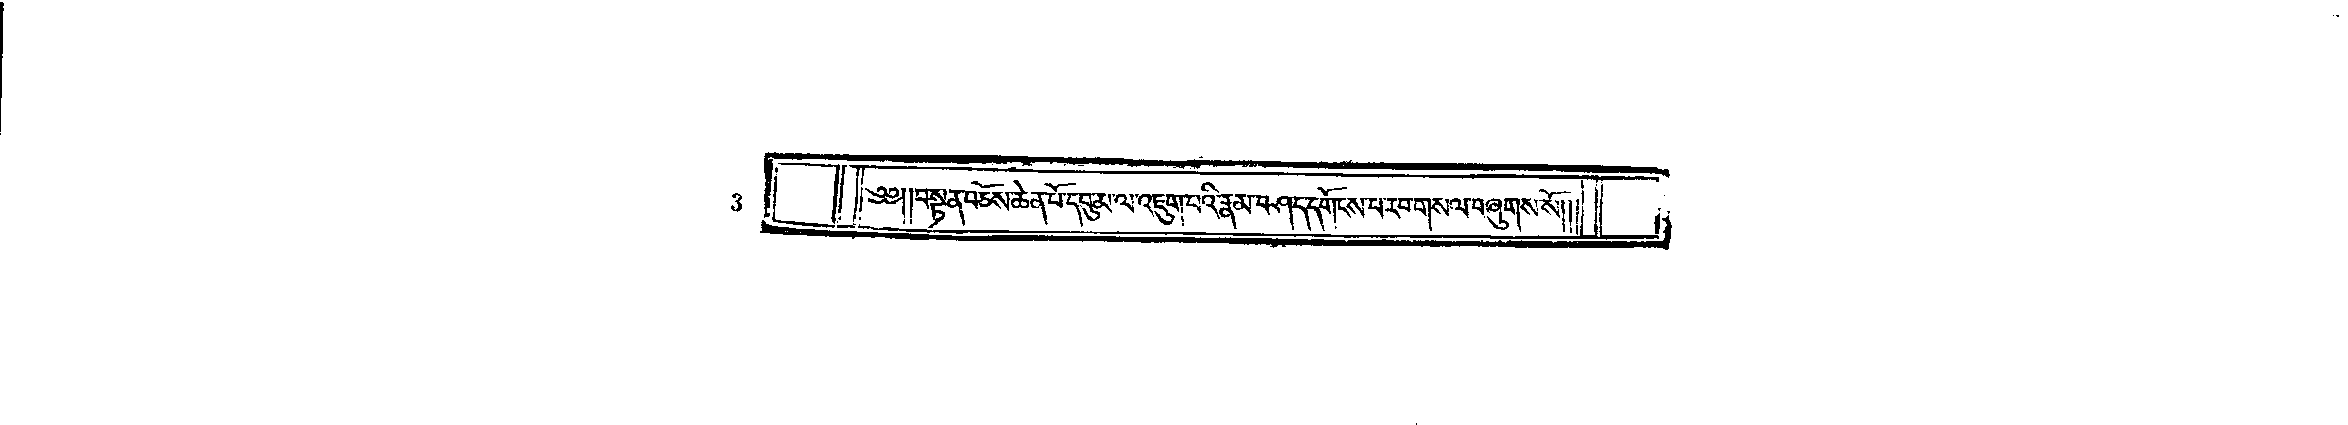༄༅། །བསྟན་བཅོས་ཆེན་པོ་དབུ་མ་ལ་འཇུག་པའི་རྣམ་བཤད་དགོངས་པ་རབ་གསལ་བཞུགས་སོ། །